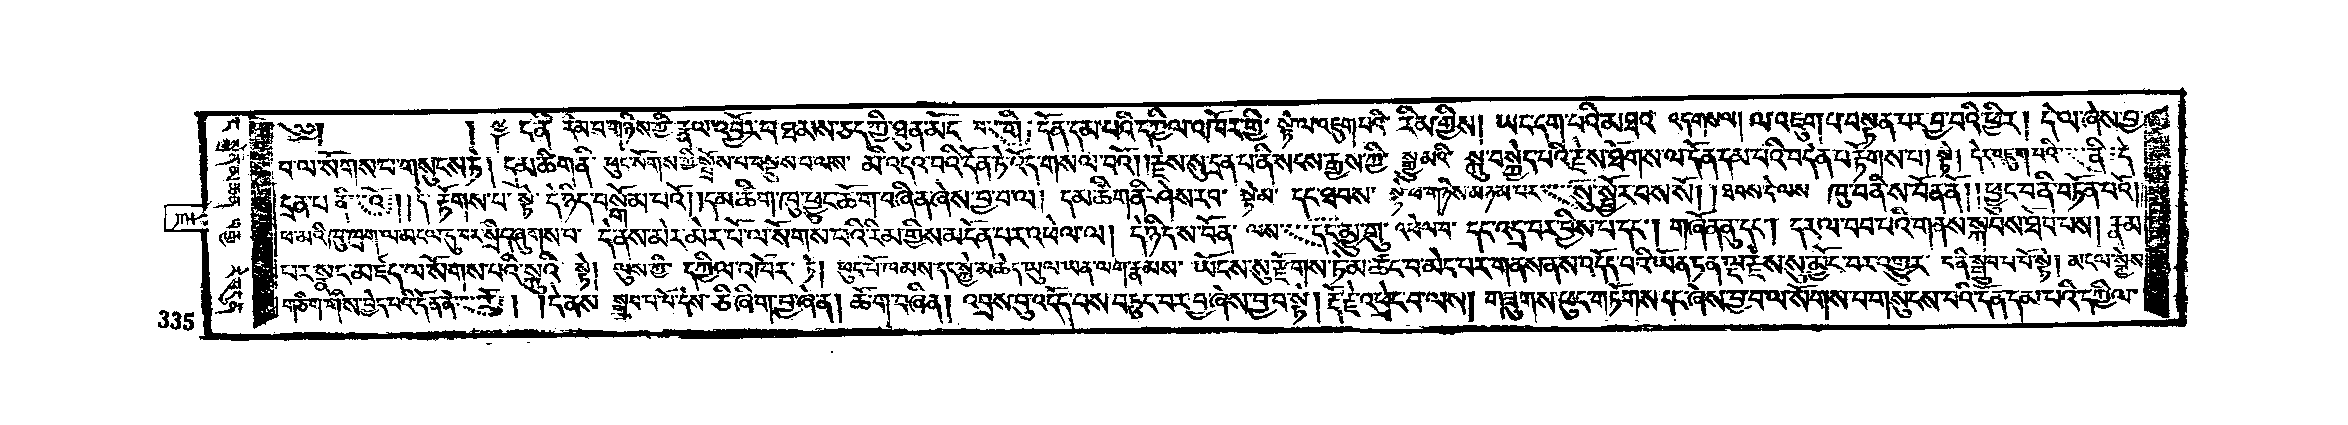༄༅། ། ༈ དེ་ནི་རིམ་པ་གཉིས་ཀྱི་རྣལ་འབྱོར་པ་ཐམས་ཅད་ཀྱི་ཐུན་མོང་བ་གི་དོན་དམ་པའི་དཀྱིལ་འཁོར་གྱི་སྟེ་ལ་འཇུག་པའི་རིམ་གྱིས། ཡང་དག་པའི་མཐའ་འོད་གསལ་ལ་འཇུག་པ་བསྟན་པར་བྱ་བའི་ཕྱིར། དེ་ལ་ཞེས་བྱ་
བ་ལ་སོགས་པ་གསུངས་ཏེ། དམ་ཚིག་ནི་ཕུང་སོགས་ཀྱི་སྤྲོས་པ་བསྡུས་པ་ལས་མི་འདའ་བའི་དོན་ཏེ་འོད་གསལ་བའོ། །རྗེས་སུ་དྲན་པ་ནི་སངས་རྒྱས་ཀྱི་སྐུ་མའི་སྐུ་བསྐྱེད་པའི་རྗེས་ཐོགས་ལ་དོན་དམ་པའི་བདེན་པ་རྟོགས་པ་སྟེ། དེད་འཇུག་པའི་ནི། དེ་
དྲན་པ་ནི་འོ། ། དེ་རྟོགས་པ་སྟེ་དེ་ཉིད་བསྒོམ་པའོ། །དམ་ཚིག་ཁུ་ཕྱུང་ཆོ་ག་བཞིན་ཞེས་བྱ་བ་ལ། དམ་ཚིག་ནི་ཤེས་རབ་སྟེ་མ་དང་ཐབས་སྟེ་ཕ་གཉིས་མཉམ་པར་སུ་སྦྱོར་བས་སོ། ། ཐབས་དེ་ལས་ཁུ་བ་ནི་ས་བོན་ནོ། །ཕྱུང་བ་ནི་བཏོན་པའོ།།
ཕ་མའི་ཁུ་ཁྲག་ལ་མངལ་དུ་བར་སྲིད་ཞུགས་པ་དེ་ནས་མེར་མེར་པོ་ལ་སོགས་པའི་རིམ་གྱིས་མངོན་པར་འཕེལ་ལ། དེ་ཉིད་ས་བོན་ལས་དང་མྱུ་གུ་འཕེལ་བ་དང་འདྲ་བར་བྱིས་པ་དང་། གཞོན་ནུ་དང་། དར་ལ་བབ་པའི་གནས་སྐབས་ཐོབ་པས། རྣམ་
པར་སྣང་མཛད་ལ་སོགས་པའི་སྐུའི་སྟེ། ལུས་ཀྱི་དཀྱིལ་འཁོར་ཏེ། ཕུང་པོ་ཁམས་དང་སྐྱེ་མཆེད་ཡུལ་ཡན་ལག་རྣམས་ཡོངས་སུ་རྫོགས་ཏེ་མ་ཚང་བ་མེད་པར་གནས་ནས་འདོད་པའི་ཡོན་ཏན་ལྔ་རྗེས་སུ་མྱོང་བར་འགྱུར་ང་ནི་སྒྲུབ་པ་པོ་སྟེ། མངལ་སྐྱེས་
གཅིག་གིས་བྱེད་པའི་དོན་ནོ་རོ། ། དེ་ནས་སྒྲུབ་པ་པོ་དེས་ཅི་ཞིག་བྱ་ཞེ་ན། ཆོ་ག་བཞིན། འབྲས་བུ་འདོད་པས་བཏུང་བར་བྱ་ཞེས་བྱ་བ་སྟེ། རྡོ་རྗེ་འཕྲེང་བ་ལས། གཟུགས་ཕུང་གཏོགས་དང་ཞེས་བྱ་བ་ལ་སོགས་པ་གསུངས་པའི་དོན་དམ་པའི་དཀྱིལ་